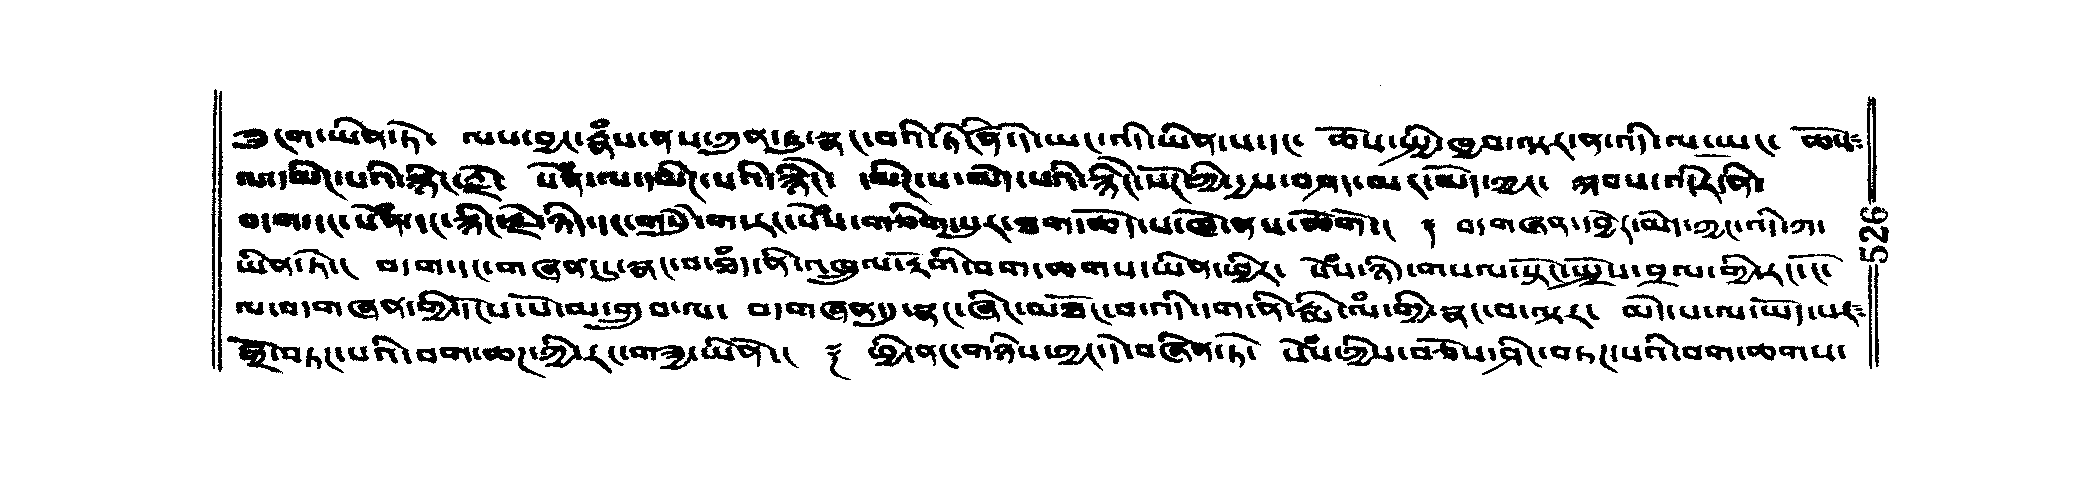ཟུང་འཇུག་ཡིན་ཏེ། ལས་བྱང་རྣམས་ནས་ཀུན་ཏུ་སྣང་བའི་ཏིང་འཛིན་དེ་ཡང་འདི་ཡིན་པ་དང་། ཆོས་སྤྱི་ཁྱབ་ལྟར་ན་འདི་ལ་ཡང་། ཆོས་
ལ་དམིགས་པའི་སྙིང་རྗེ། སེམས་ཅན་ལ་དམིགས་པའི་སྙིང་རྗེ། དམིགས་པ་མེད་པའི་སྙིང་རྗེ་སོགས་ཀྱི་རྒྱས་བཤད་མང་མོད་ཀྱང་། སྐབས་འདིར་ནི་
བདག་དང་སེམས་ཅན་དང་སྙིང་རྗེ་ཉིད་དང་གསུམ་ག་རང་སེམས་གཅིག་པུར་ཐག་ཆོད་པ་ཁོ་ནས་ཆོག་གོ། ༈ བདག་གཞན་དབྱེར་མེད་ཀྱང་འདི་ཀ་
ཡིན་ཏེ། བདག་དང་གཞན་དུ་སྣང་བ་ཐམས་ཅད་ནི་འཁྲུལ་རྟོག་གི་བག་ཆགས་ཡིན་ཕྱིར། སེམས་ཉིད་གསལ་སྟོང་སྤྲོས་བྲལ་གྱི་རང་ངོ་
ལ་བདག་གཞན་གྱི་དངོས་པོ་མ་གྲུབ་ལ། བདག་གཞན་དུ་སྣང་ཞིང་མཐོང་བ་འདི་དག་ནི་རྨི་ལམ་གྱི་སྣང་བ་ལྟར། མེད་པ་ལ་ཡོད་པར་
སྒྲོ་བཏགས་པའི་བག་ཆགས་ཀྱི་རང་གཟུགས་ཡིན་ནོ། ༈ ཕྱི་ནང་གཉིས་ཀྱང་དེ་བཞིན་ཏེ། སེམས་ཀྱིས་བཅོས་ཤིང་བཏགས་པའི་བག་ཆགས་